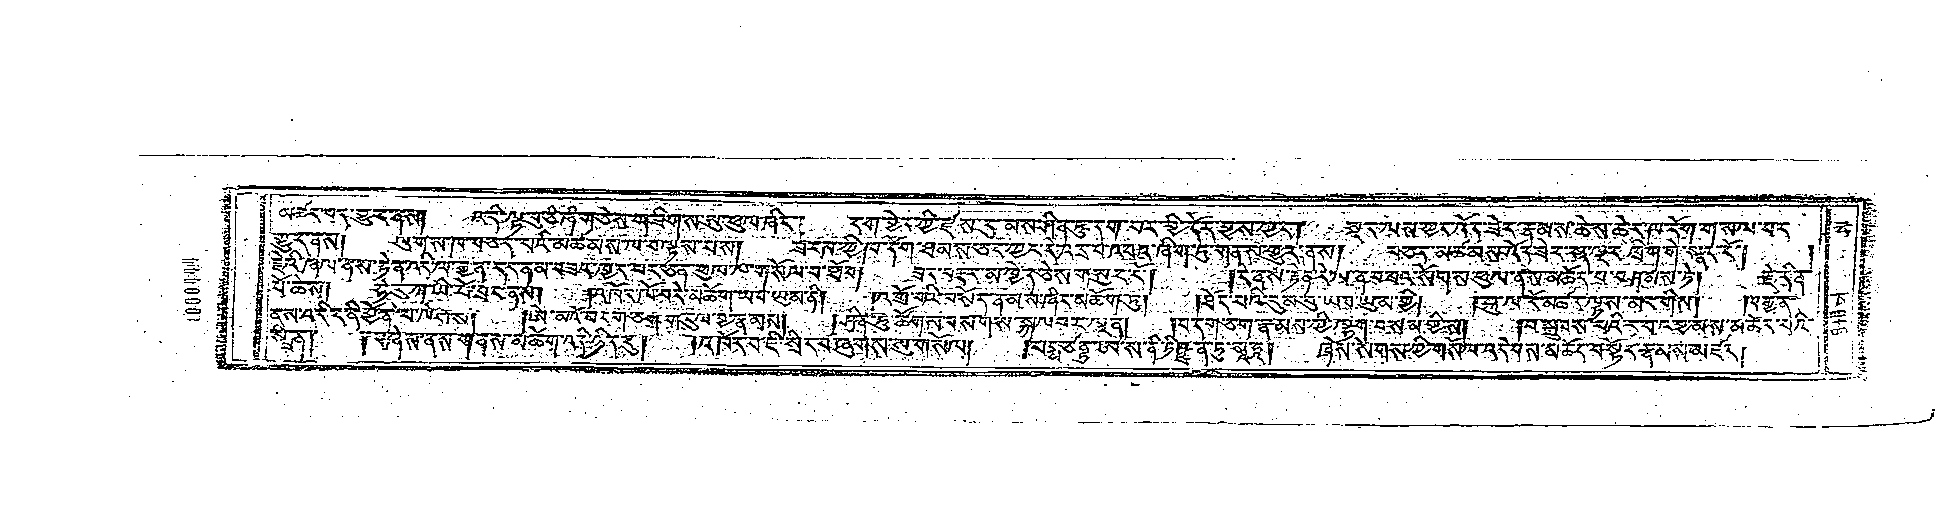མཆར་པར་བྱུང་ནས། འདི་ལྟ་བུ་ཅི་ཞིག་ཅེས་གཟིགས་སུ་ཕུལ་ཞིང་། དག་བྱེད་ཀྱི་རྫས་དུ་མས་ཤིན་ཏུ་དག་པར་བྱི་དོར་བྱས་ཀྱང་། སྔར་ལས་ཀྱང་འོད་ཟེར་རྣམས་ཆེས་ཆེར་ཁ་དོག་གསལ་བར་
གྱུར་ནས། ལུགས་ཁ་བཅད་པའི་མཚམས་ལ་བལྟས་པས། ཟངས་ཀྱི་ཁ་དོག་ཐམས་ཅད་ཀྱང་དེ་འདྲ་བ་འབའ་ཞིག་ཏུ་གནས་གྱུར་ནས། བཅད་མཚམས་འོད་ཟེར་སྣ་ལྡར་ཁྲིག་གེ་སྣང་ངོ། །
རྗེའི་ཞལ་ནས་རྟེན་འདི་ལ་རྒྱན་དང་ནམ་བཟའ་ཁྱད་པར་ཅན་ཕུལ་ལ་གསོལ་བ་ཐོབ། ཟད་བརྡར་མ་བྱེད་ཅེས་གསུང་ངོ། །དེ་ནས་རྟེན་དེ་ལ་ན་བཟའ་སོགས་ཕུལ་ནས་མཆོད་པ་བཤམས་ཏེ། རྗེ་རིན་
པོ་ཆེས། ཧེ་རུ་ཀ་ཡི་ཕོ་བྲང་ནས། །འཁོར་ལོ་བདེ་མཆོག་ཡབ་ཡུམ་ནི། །འགྲོ་བའི་བསོད་ནམས་ཞིང་མཆོག་ཏུ། །ཐོང་པའི་དུམ་བུ་ཡབ་ཡུམ་གྱི། །སྐུ་ལ་ངོ་མཚར་ལྟས་མང་གིས། །བརྒྱན་
ནས་འདི་ད་ནི་བྱོན་པ་ལེགས། །ཨེ་མའོ་བདག་ཅག་གདུལ་བྱ་རྣམས། །ཤིན་ཏུ་ཚོགས་བསགས་སྐལ་བར་ལྡན། །བདག་ཅག་རྣམས་ཀྱི་ལྷག་བསམ་གྱིས། །བསྒྲུབས་པའི་རབ་འབྱམས་མཆོད་པའི་
སྤྲིན། །བཞེས་ནས་གནས་མཆོག་འདི་ཉིད་དུ། །འཁོར་བ་ཇི་སྲིད་བཞུགས་སུ་གསོལ། །པདམ་ཙནྟྲ་ཨ་ས་ནི་ཏིཥཊཿཨ་ན་ཏུ་སྭཱ་ཧཱ། ཞེས་སོགས་ཀྱི་གསོལ་འདེབས་མཆོད་བསྟོད་རྣམས་མཛད།